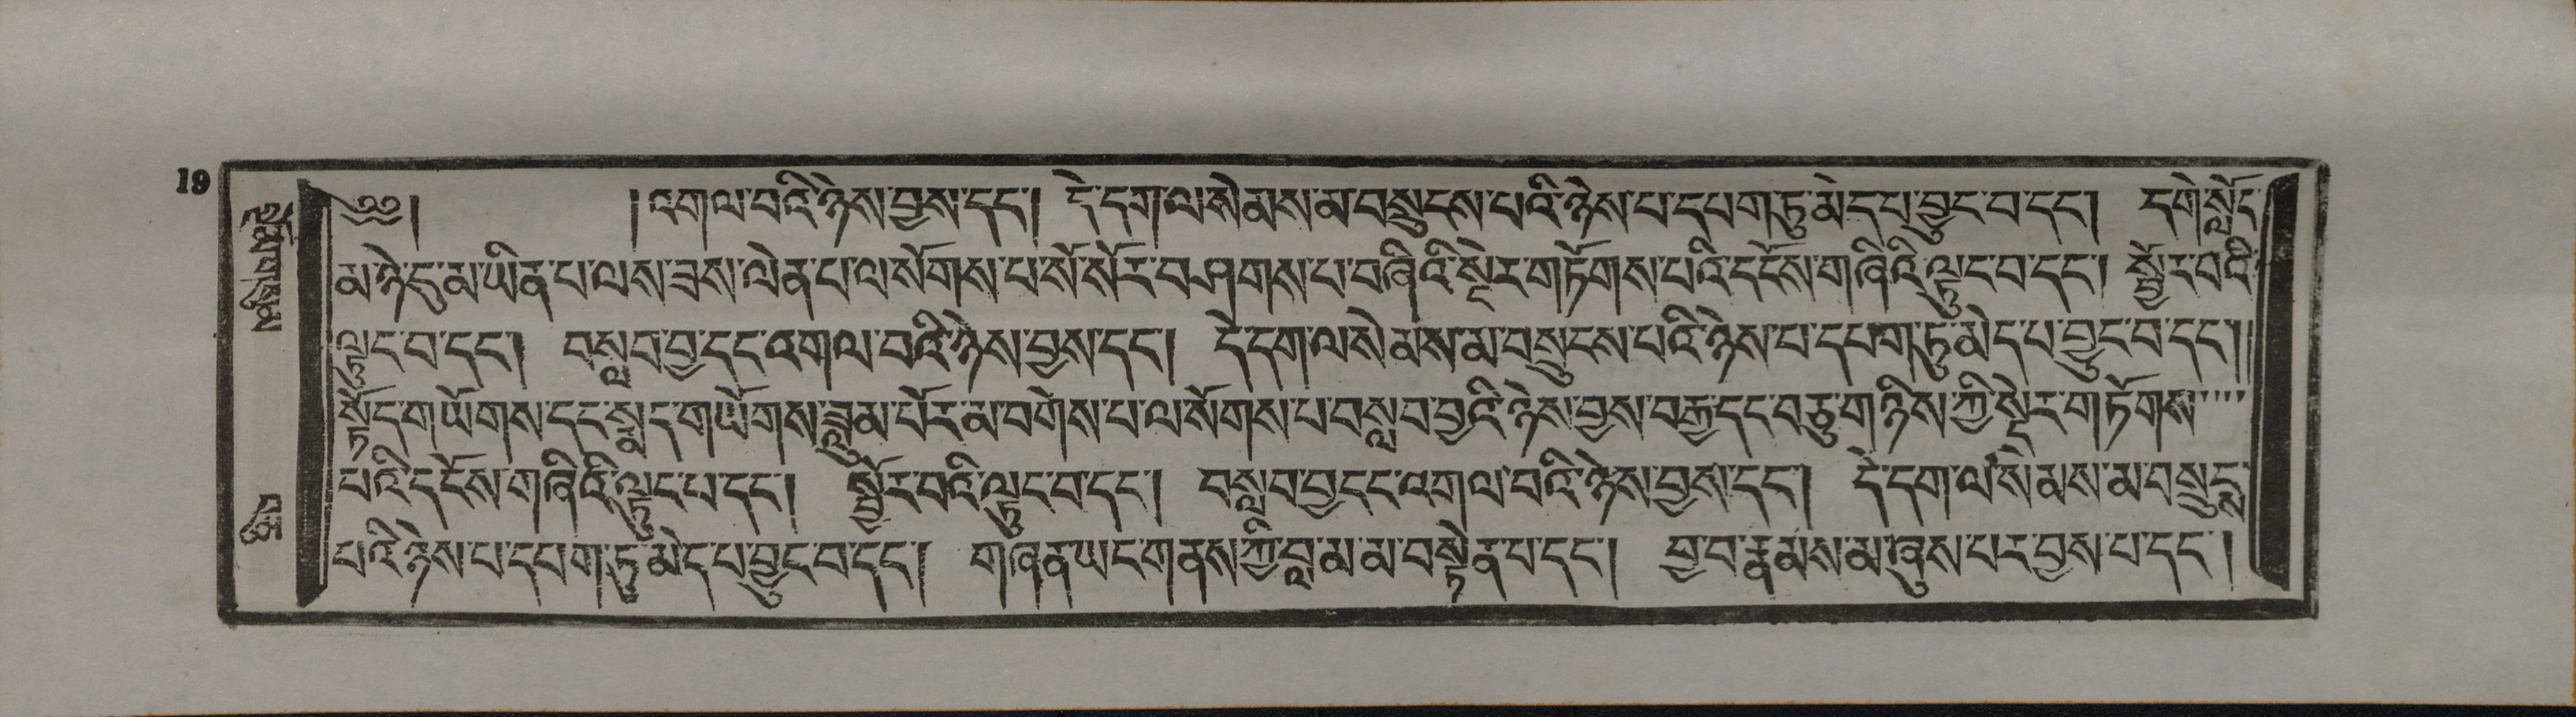༄༅། །འགལ་བའི་ཉེས་བྱས་དང་། དེ་དག་ལ་སེམས་མ་བསྲུངས་པའི་ཉེས་པ་དཔག་ཏུ་མེད་པ་བྱུང་བ་དང་། དགེ་སློང་
མ་ཉེ་དུ་མ་ཡིན་པ་ལས་ཟས་ལེན་པ་ལ་སོགས་པ་སོ་སོར་བཤགས་པ་བཞིའི་སྡེར་གཏོགས་པའི་དངོས་གཞིའི་ལྟུང་བ་དང་། སྦྱོར་པའི་
ལྟུང་བ་དང་། བསླབ་བྱ་དང་འགལ་བའི་ཉེས་བྱས་དང་། དེ་དག་ལ་སེམས་མ་བསྲུངས་པའི་ཉེས་པ་དཔག་ཏུ་མེད་པ་བྱུང་བ་དང་། །
སྟོད་གཡོགས་དང་སྨད་གཡོགས་ཟླུམ་པོར་མ་བགེས་པ་ལ་སོགས་པ་བསླབ་བྱའི་ཉེས་བྱས་བརྒྱ་དང་བཅུ་གཉིས་ཀྱི་སྡེར་གཏོགས་
པའི་དངོས་གཞིའི་ལྟུང་བ་དང་། སྦྱོར་བའི་ལྟུང་བ་དང་། བསླབ་བྱ་དང་འགལ་བའི་ཉེས་བྱས་དང་། དེ་དག་ལ་སེམས་མ་བསྲུངས་
པའི་ཉེས་པ་དཔག་ཏུ་མེད་པ་བྱུང་བ་དང་། གཞན་ཡང་གནས་ཀྱི་བླ་མ་མ་བསྟེན་པ་དང་། བྱ་བ་རྣམས་མ་ཞུས་པར་བྱས་པ་དང་།